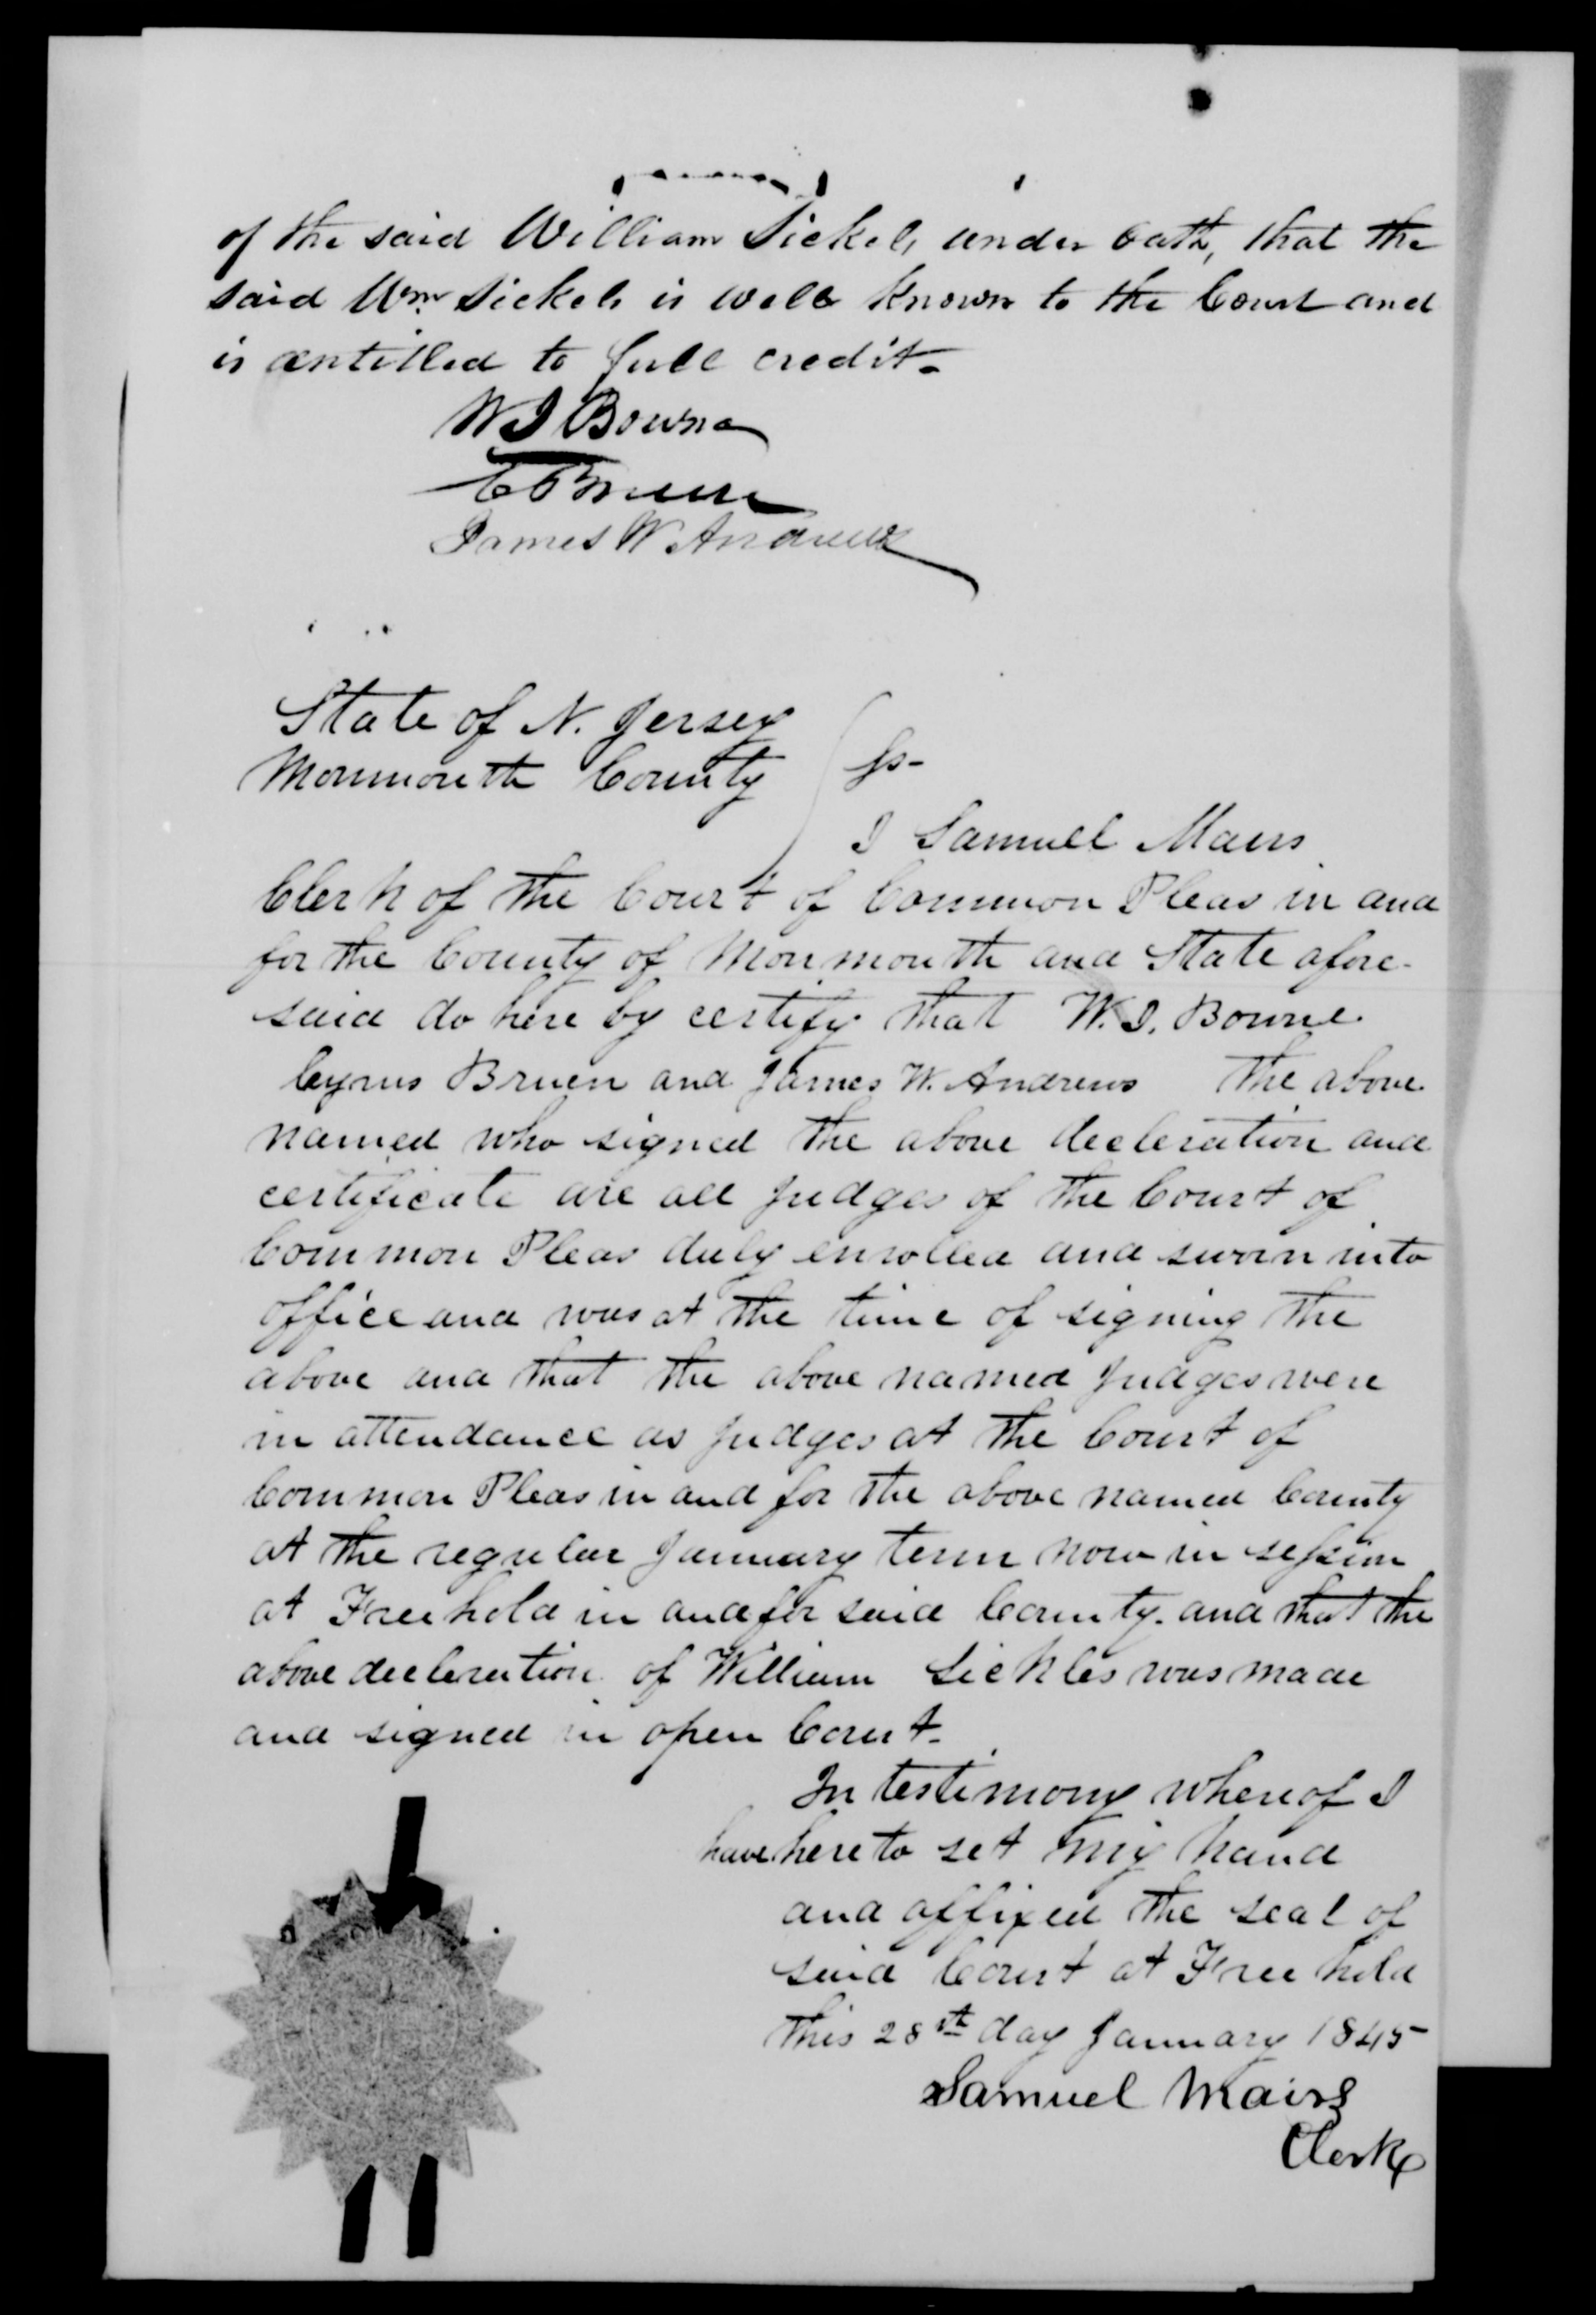of the said William Sickles, under oath, that the said Wm. Sickles is well known to the Court and is entitled to full credit.
W J Bowne
C Bruen
James W Andrews

State of New Jersey}
Monmouth County} Ss-
I Samuel Mairs
Clerk of the Court of Common Pleas in and for the County of Monmouth and State aforesaid do hereby certify that W. J. Bowne Cyrus Bruen and James W. Andrews the above named who signed the above decleration and certificate are all Judges of the Court of Common Pleas duly enrolled and sworn into office and was at the time of signing the above and that the above named Judges were in attendance as Judges of the Court of Common Pleas in and for the above named County at the regular January term now in session at Freehold in and for said County, and that the above decleration of William Sickles made and singed in open Court.
In testimony whereof I
have hereunto set my hand
and affixed the seal of
said Court at Freehold
this 28th day January 1845
Samuel Mairs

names: James W Andrews; William Sickles; James W Andrews; Cyrus Bruen; C Bruen; Samuel Mairs; W J Bowne; W J Bowne; Samuel Mairs; William Sickels; Wm Sickels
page: 6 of 33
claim: survivor's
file: S. 4,841, for James Sickles, New Jersey